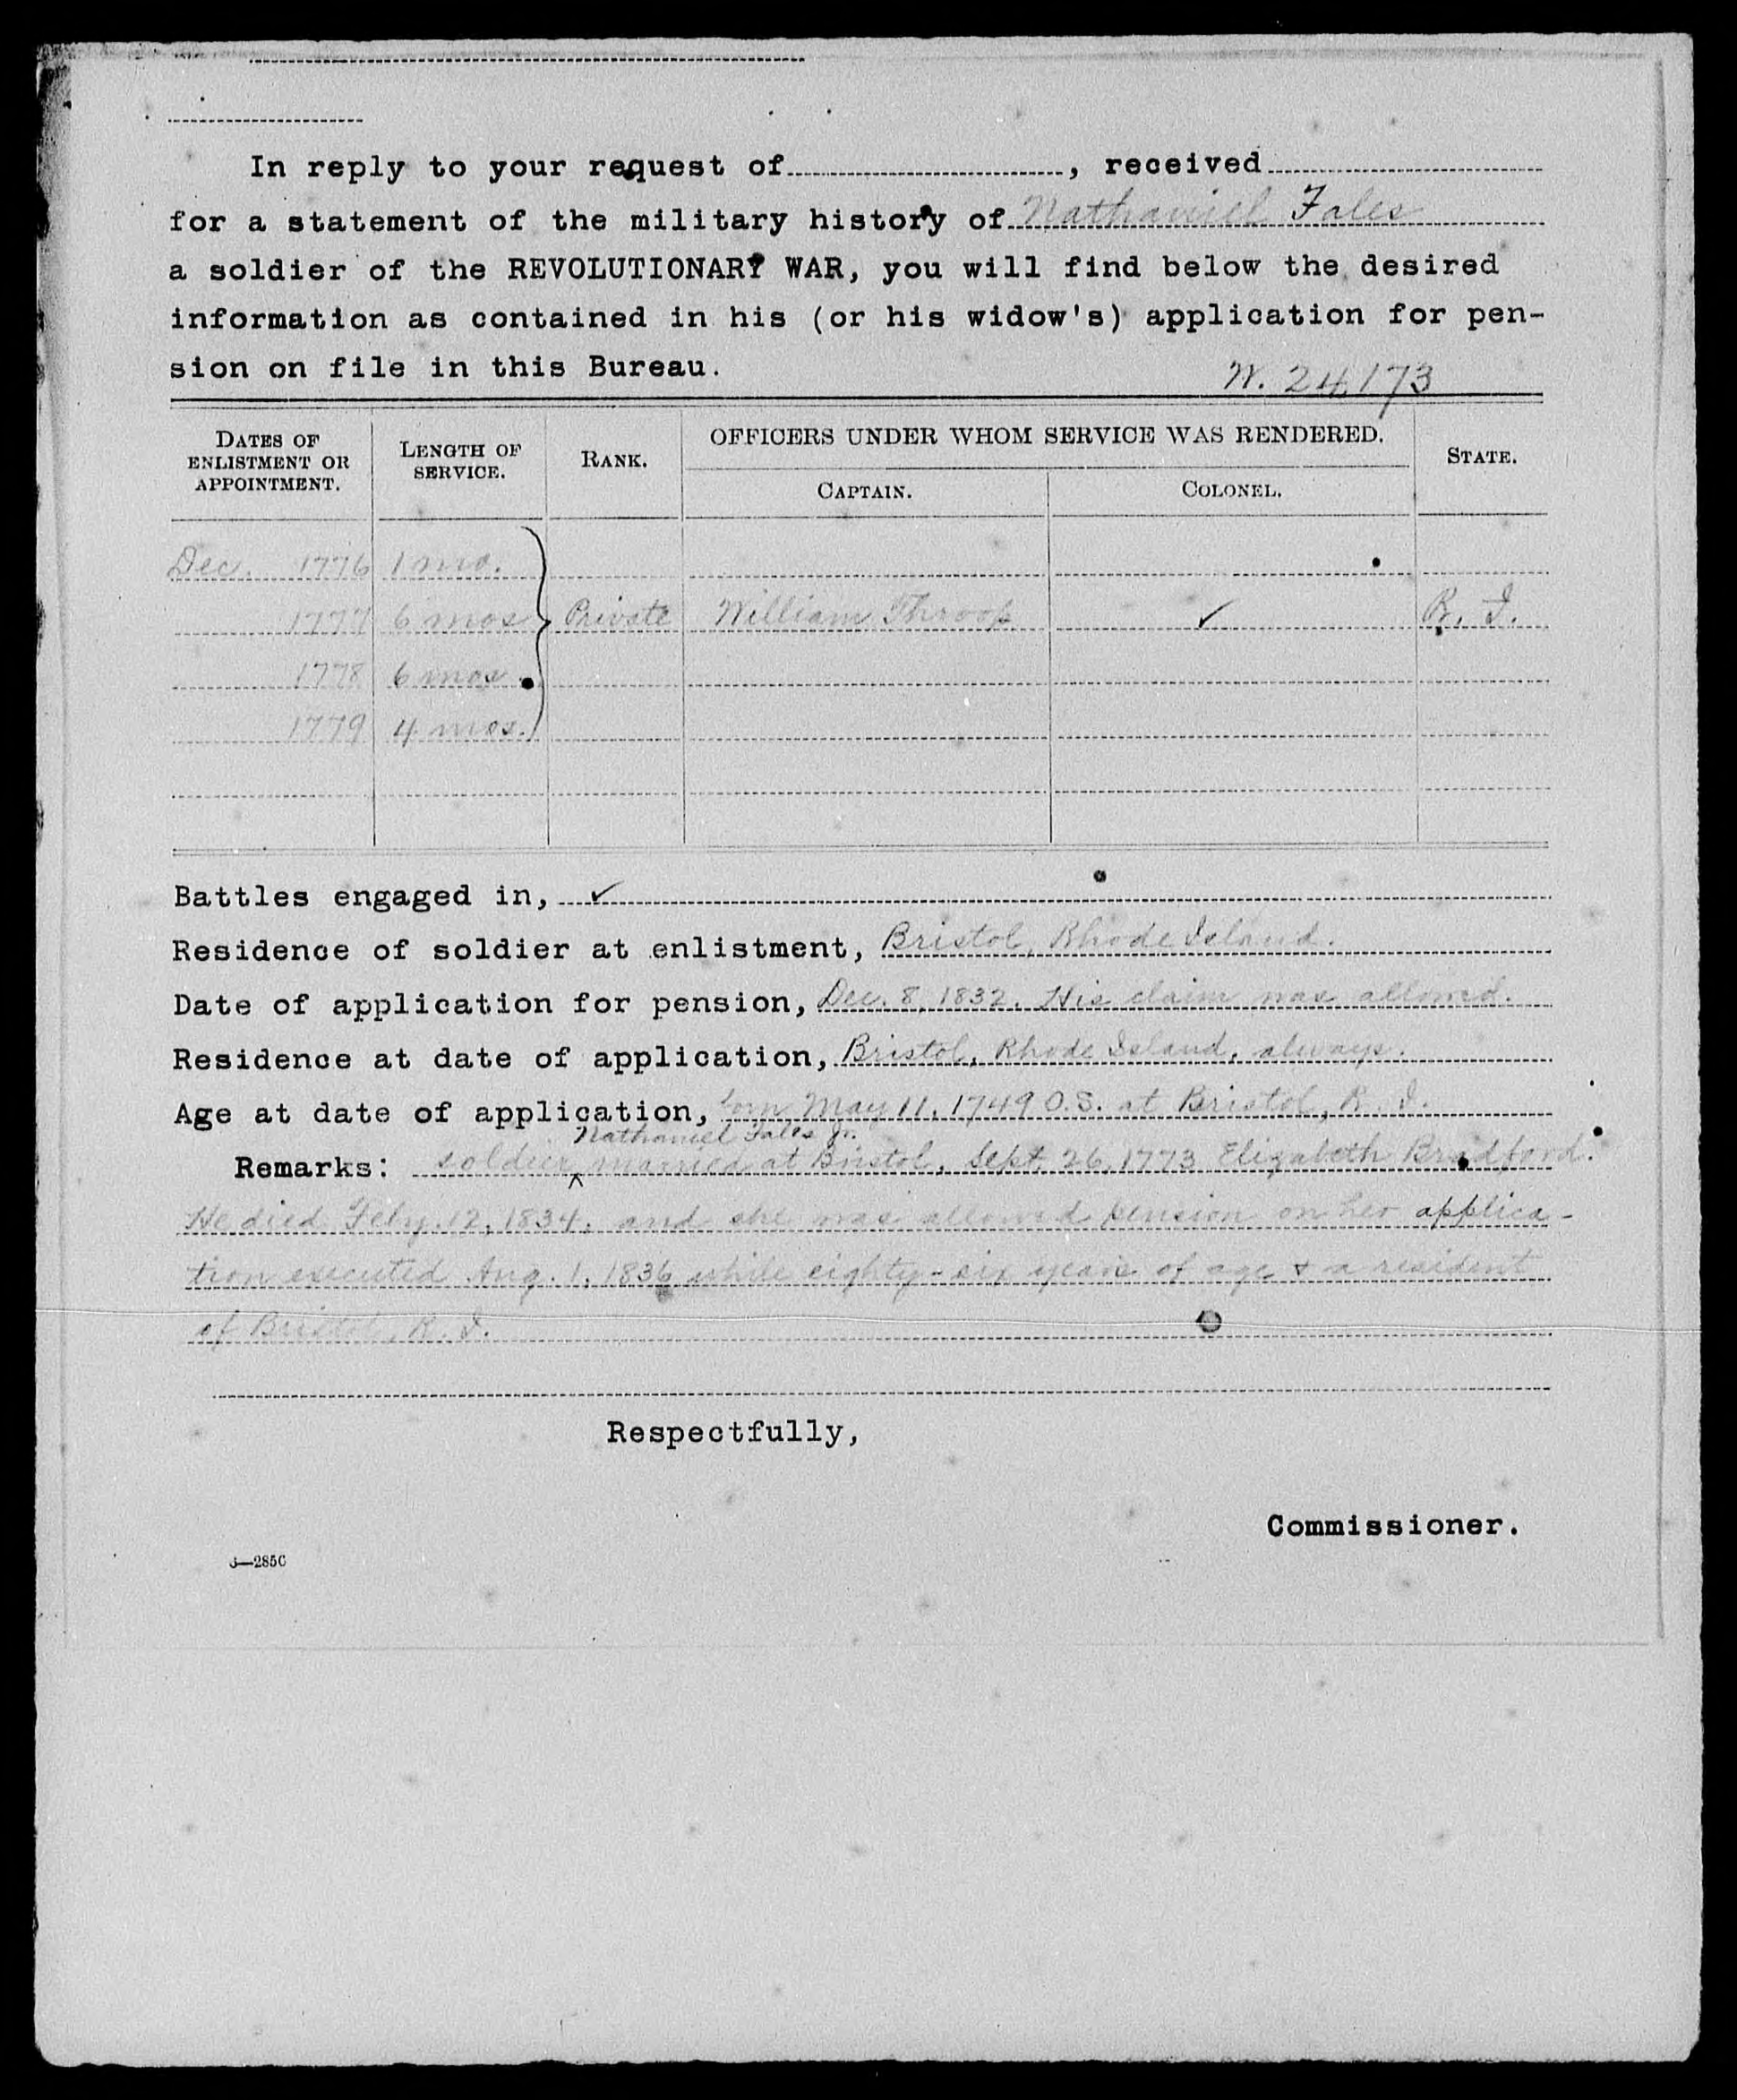In reply to your request of received for a statement of the military history of Nathaniel Fales a soldier of the REVOLUTIONARY WAR, you will find below the desired information as contained in his (or his widow's) application for pension on file in this Bureau.
W.241173
DATES OF
ENLISTMENT OR
APPOINTMENT.
Dec.
2
1778
1779
LENGTH OF
SERVICE.
.
as
Miss
RANK.
Private
OFFICERS UNDER WHOM SERVICE WAS RENDERED.
CAPTAIN.
William Throop
COLONEL.
STATE.
R.F.
Battles engaged in, [check]
Residence of soldier at enlistment, Bristol, Rhode Island.
Date of application for pension, Dec. 9, 1832. His claim allowed
Residence at date of application, Bristol, Rhode Island always
Age at date of application,  born May 11, 1790. O.S. at Bristol, R.I.
Remarks: soldier Nathaniel Fales Jr. married at Bristol, Sept. 26, 1773 Elizabeth Bradford
He died Feby 12, 1834, and she was allowed pension on her application executed Aug. 1. 1836 while eighty-six years of age & resident
of Bristol. R.I. 

Respectfully,
Commissioner.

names: Elizabeth Bradford, Nathaniel Fales, William Throop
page: 32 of 32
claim: widow's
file: W. 24,173, Nathaniel Fales, R.I.